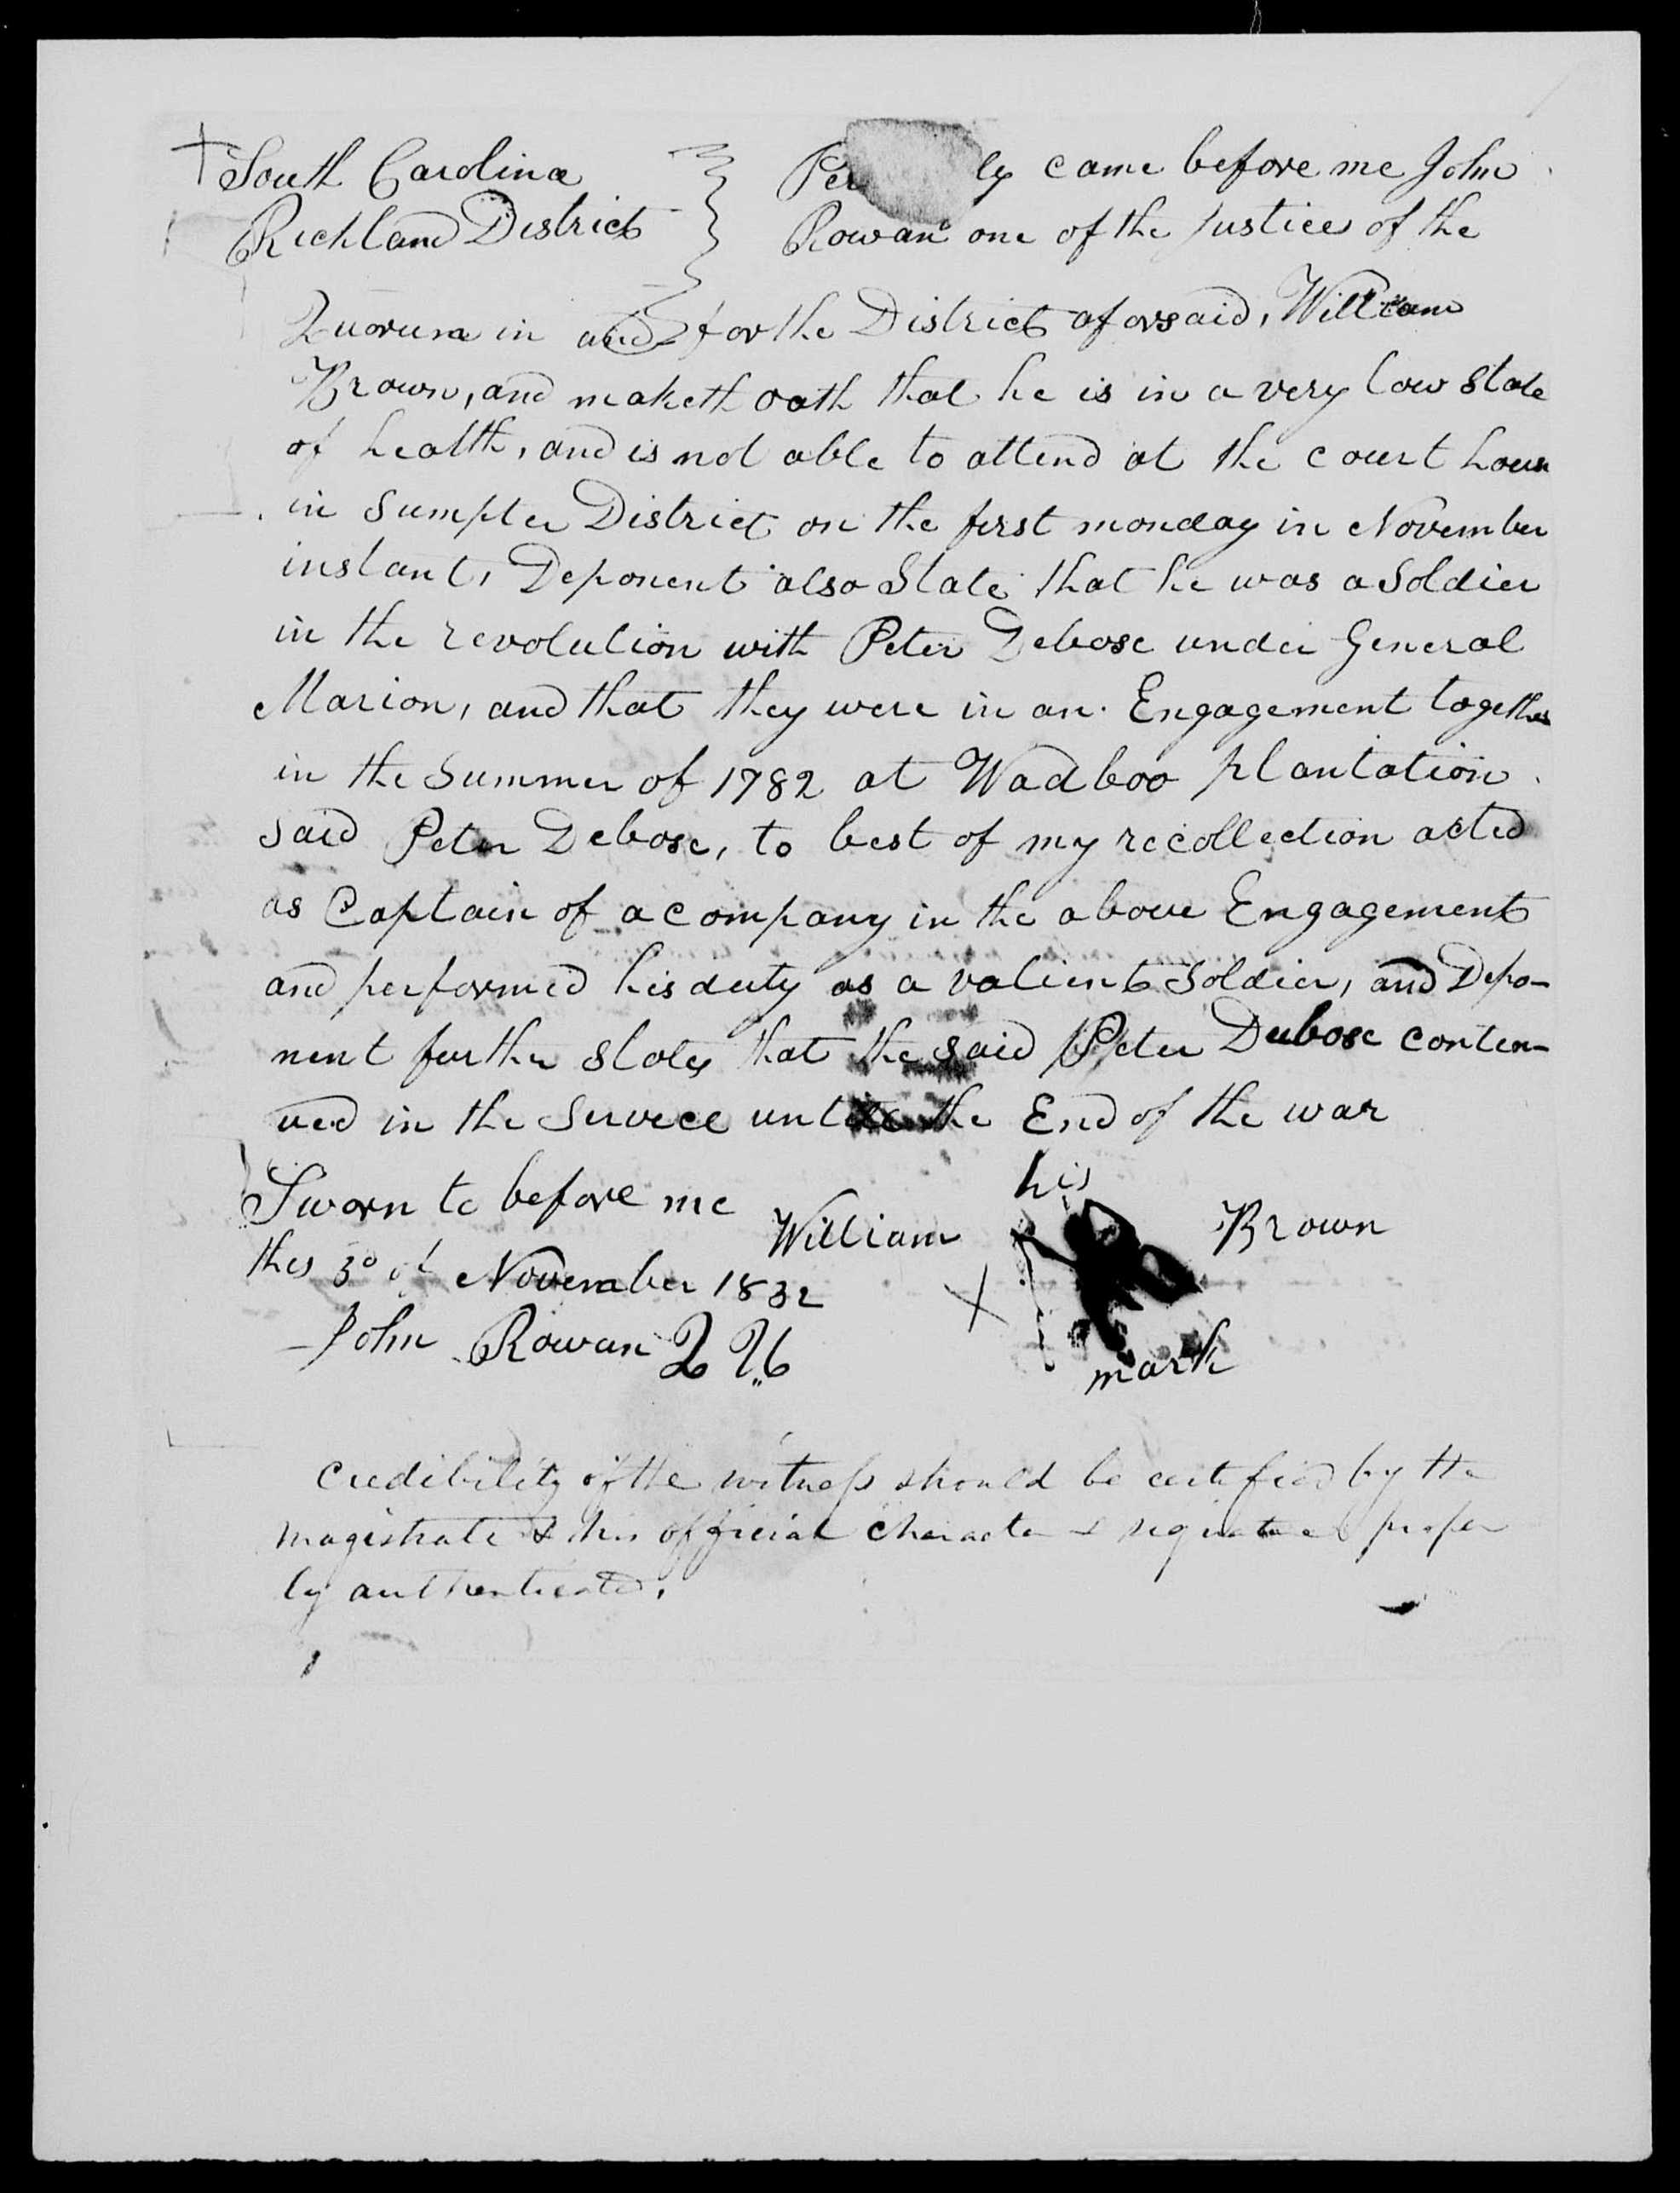[ South Carolina Richland District ] Personally came before me  John Rowan one of the Justices of the quorum in and for the District aforesaid  William Brown  and maketh oath that he is in a very low state of health  and is not able to attend at the Court  house in Sumter District on the first Monday in November  instant. Deponent also states that he was a soldier in the revolution with Peter Dubose under General Marion, and that they were  in an engagement together in the summer of  1782 at Wadboo plantation said Peter Dubose to best of my recollection acted as Captain of a company  in the above engagement and performed his duty as a  valiant soldier and the deponent further states that the said Peter Dubose continued in the service until the end of the War. sworn to before me  this 3rdof November 1832. William Brown ( his mark X )  John Rowan ( signed ) QU  ( note )  credibility of the witness should be certified by the Magistrate & to his official character  & requested be properly authenticated.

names: Peter Dubose, Peter Debose, William Brown, Marion, William Brown, Peter Debose, John Rowan, John Rowan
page: 20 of 43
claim: survivor's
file: S. 21163, Peter Dubose, S.C.